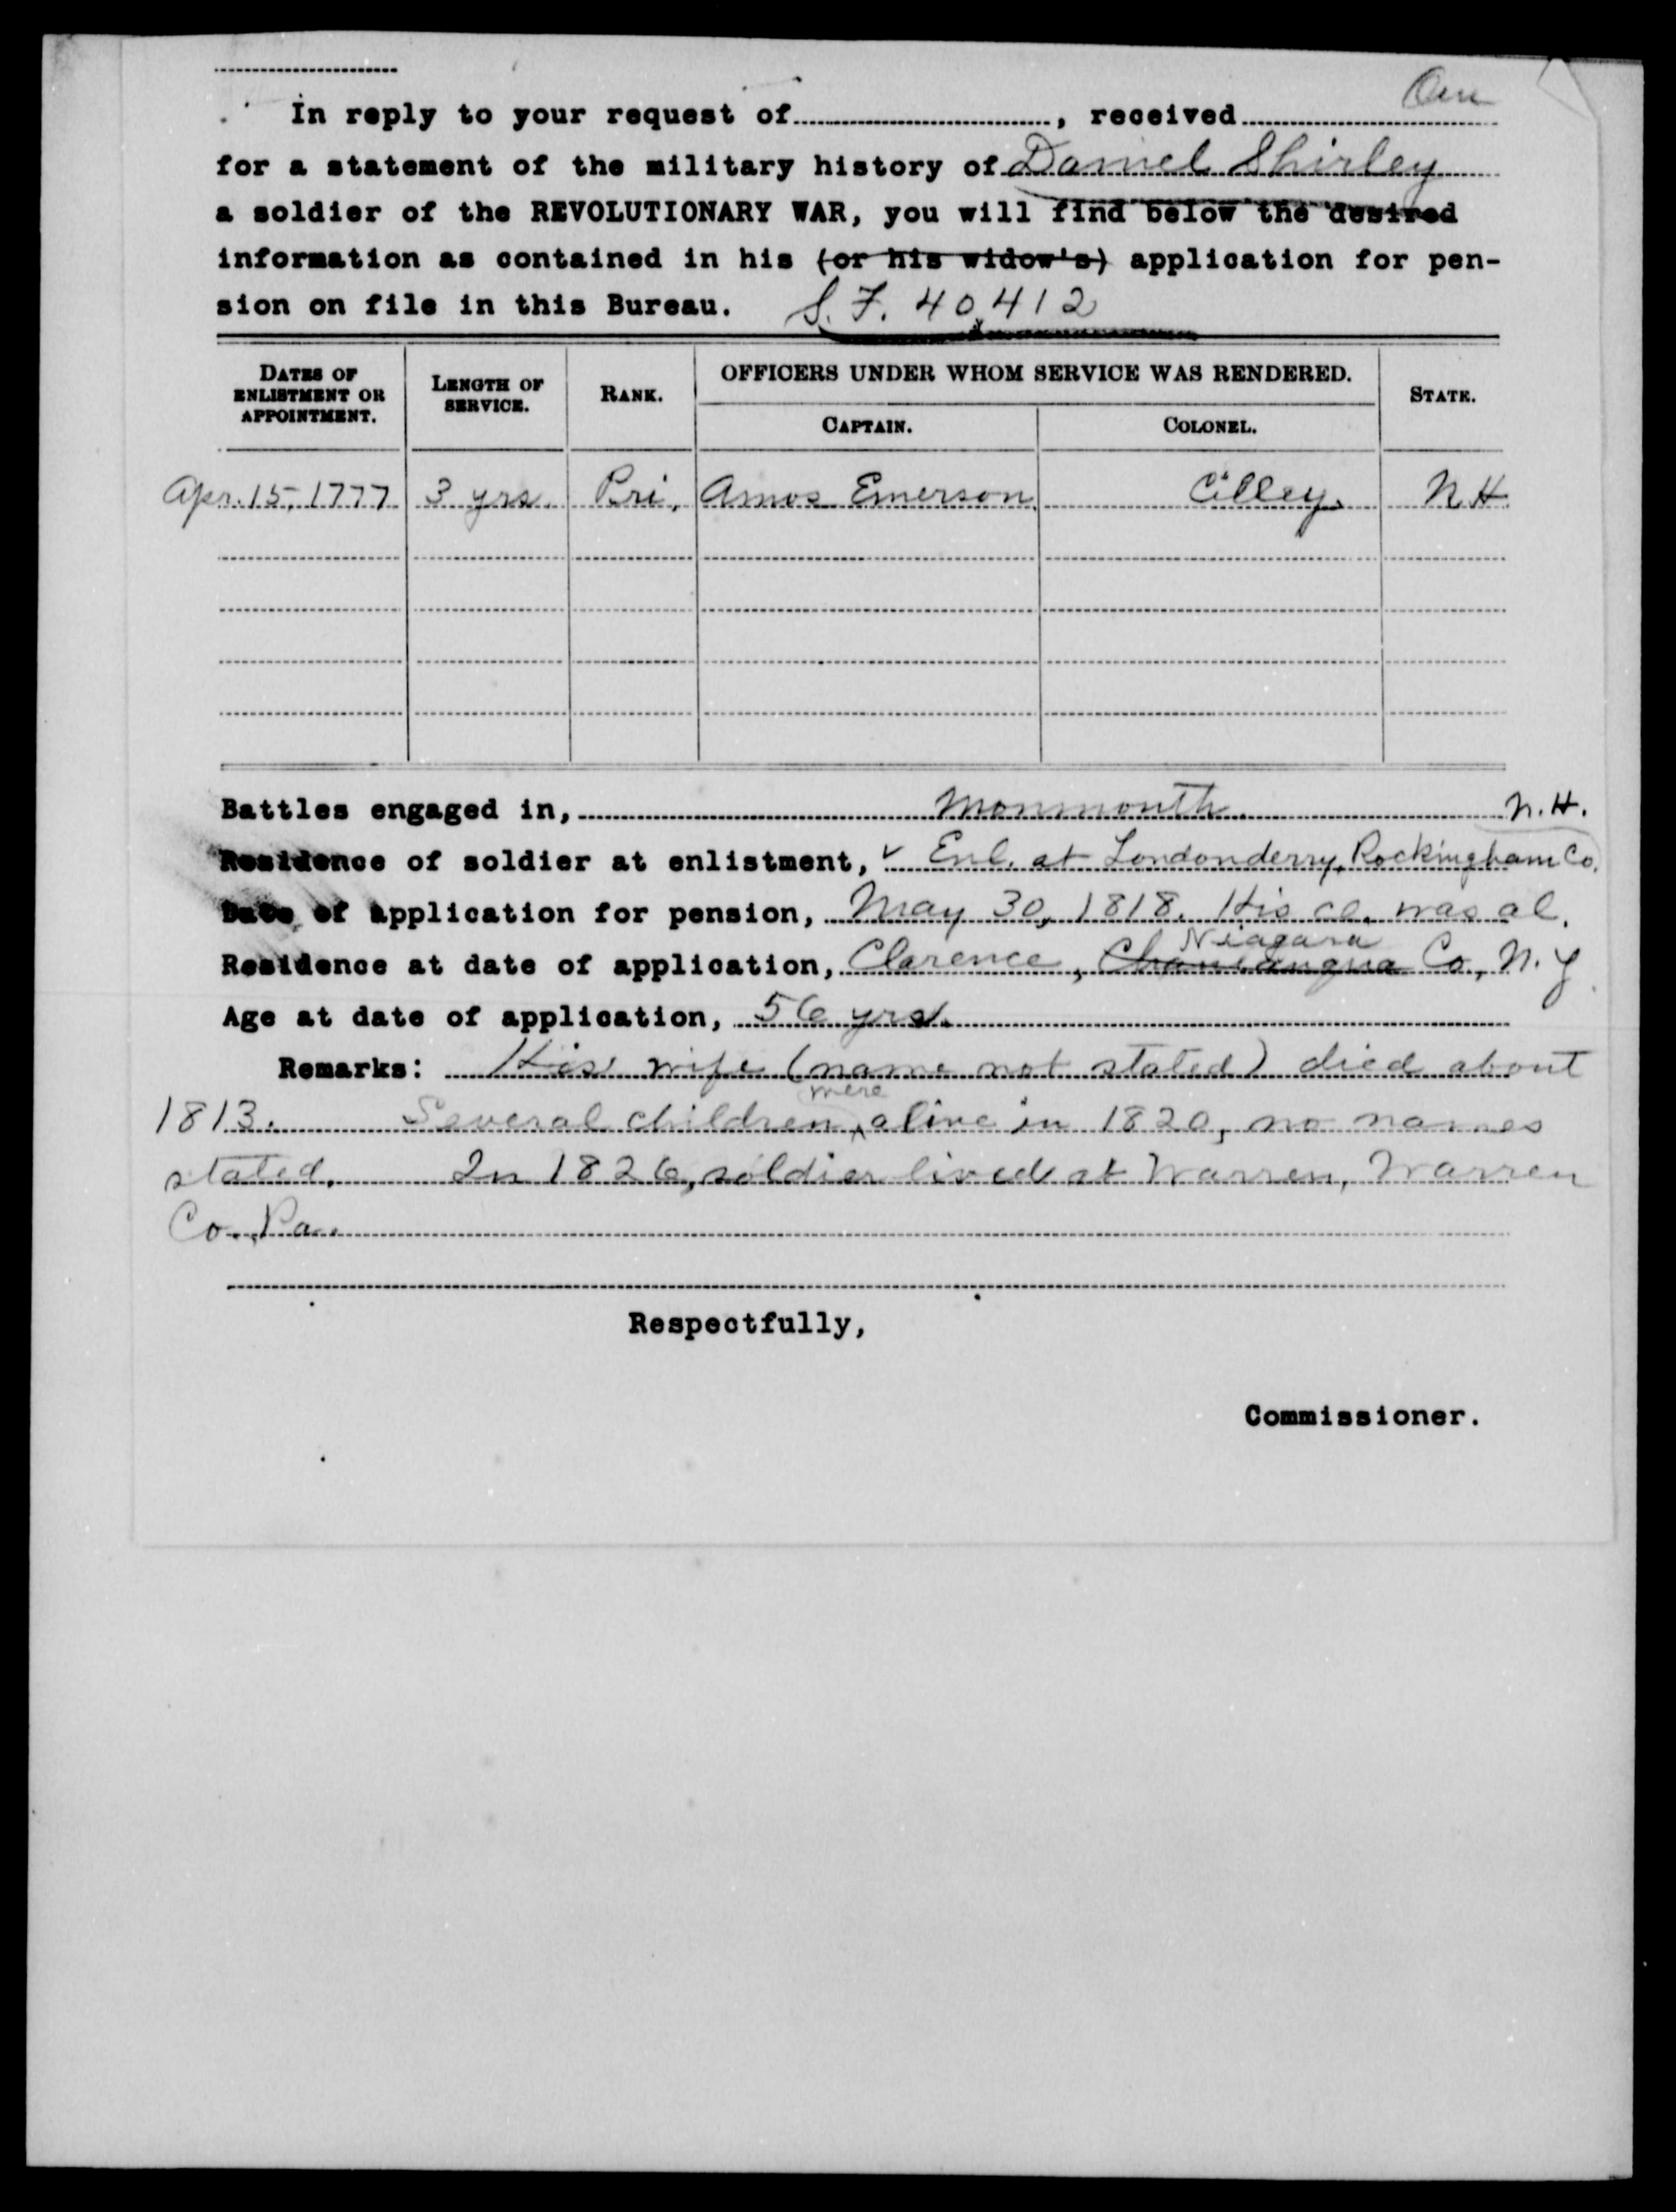Owc

In reply to your request of............., received............ for a statement of the military history of Daniel Shirley a soldier of the REVOLUTIONARY WAR, you will find below the desired information as contained in his (or his widow's) [last 3 words stricken out] application for pension on file in this Bureau.   S.F. 40,412

[Column 1]
DATES OF ENLISTMENT OR APPOINTMENT.
Apr. 15, 1777

[Column 2]
LENGTH OF SERVICE.
3 yrs.

[Column 3]
RANK.
Pri.

[Column 4 & 5]
OFFICERS UNDER WHOM SERVICE WAS RENDERED.
CAPTAIN.............................COLONEL.
Amos Emerson              Cilley

[Column 6]
STATE.
N.H.

Battles engaged in,  Monmouth.

Residence of soldier at enlistment, [checkmark] Enl. at Londonderry, Rockingham Co.  N.H.

Date of application for pension,  May 30, 1818.  His cl. was al.

Residence at date of application,  Clarence, ["Chautauqua" stricken out] Niagara Co., N.Y.

Age at date of application,  56 yrs.

Remarks:   His wife (name not stated) died about 1813.   Several children were alive in 1820, no names states.   In 1826, soldier lived at Warren, Warren Co., Pa.

Respectfully,
Comissioner.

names: Daniel Shirley; [BLANK] Cilley; Amos Emerson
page: 12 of 20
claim: survivor's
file: S. 40412, for Daniel Shirley, New Hampshire